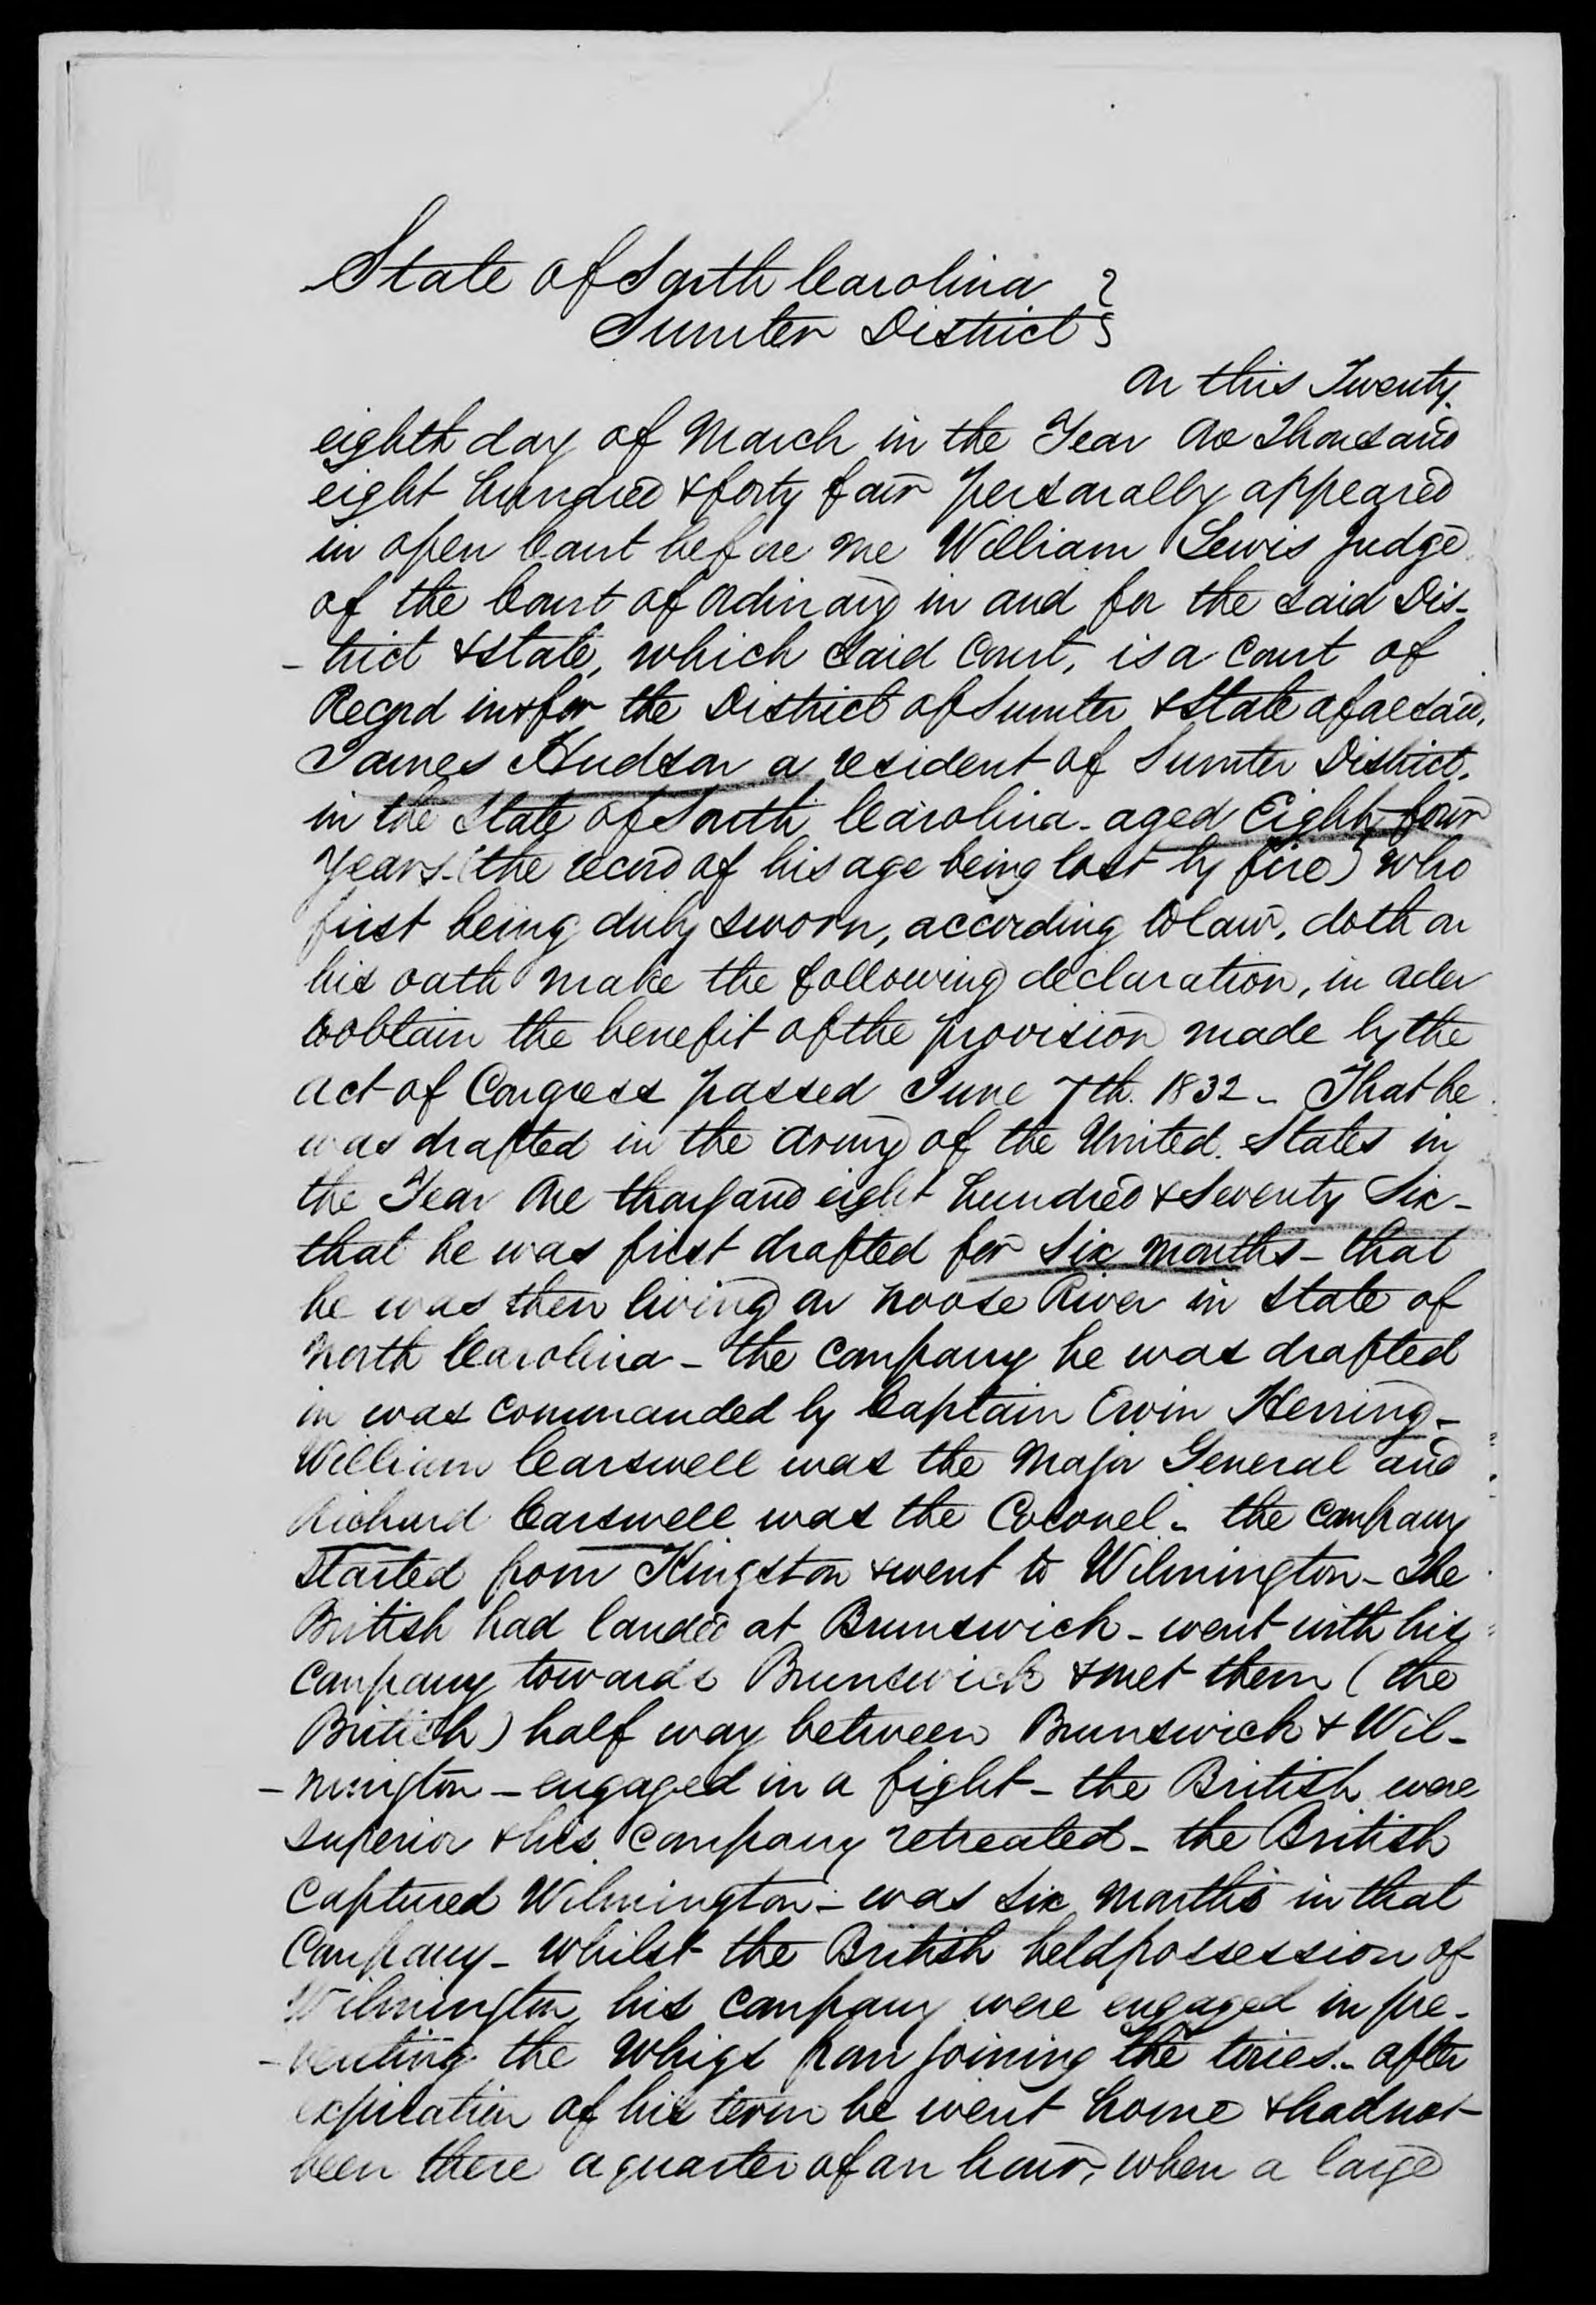State of South Carolina
Sumter District

on this twenty eight day of March in the Year one thousand eight hundred forty four personally appeared in open court before me William Lewis Judge of the court of ordinary in and for the said District and state, which said court, is a court of Record in and for the District of Sumter and state aforesaid, James Hudson, a resident of Sumter District, in the state of South Carolina - aged Eighty four years the record of his age being last by fire who first being duly sworn, according to law, doth on his oath make the following declaration, in ader and obtain the benefit of the provision made by the act of Congress passed June 7th 1832. That he was drafted in the army of the United States in Year one thousand eight hundred and twenty six - that he was first drafted for six months- that he was then living on [intelligible] River in State of North Carolina - the company he was drafted in was commanded by Captain Ervin Herring - William Learswell was the Major General and Richard Carswell was the Colonel in the company started from Kingston went to Wilmington- the British had landed at Brunswick - went with his company towards Brunswick and met them the British halfway between Brunswick and Wilmington - engaged in a fight - the British were superior and his company retreated. The British captured Wilmington - was six months in that company - whilst the British held possession of Wilmington his company were engaged in preventing the Whigs from joining the tories. After expiration of his term he went home and had not been there a quarter of an hour, when a large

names: Richard Carswell, Ervin Herring, William Lewis, William Carswell, James Hudson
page: 12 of 33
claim: rejected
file: R. 5334, James Hudson, N.C.